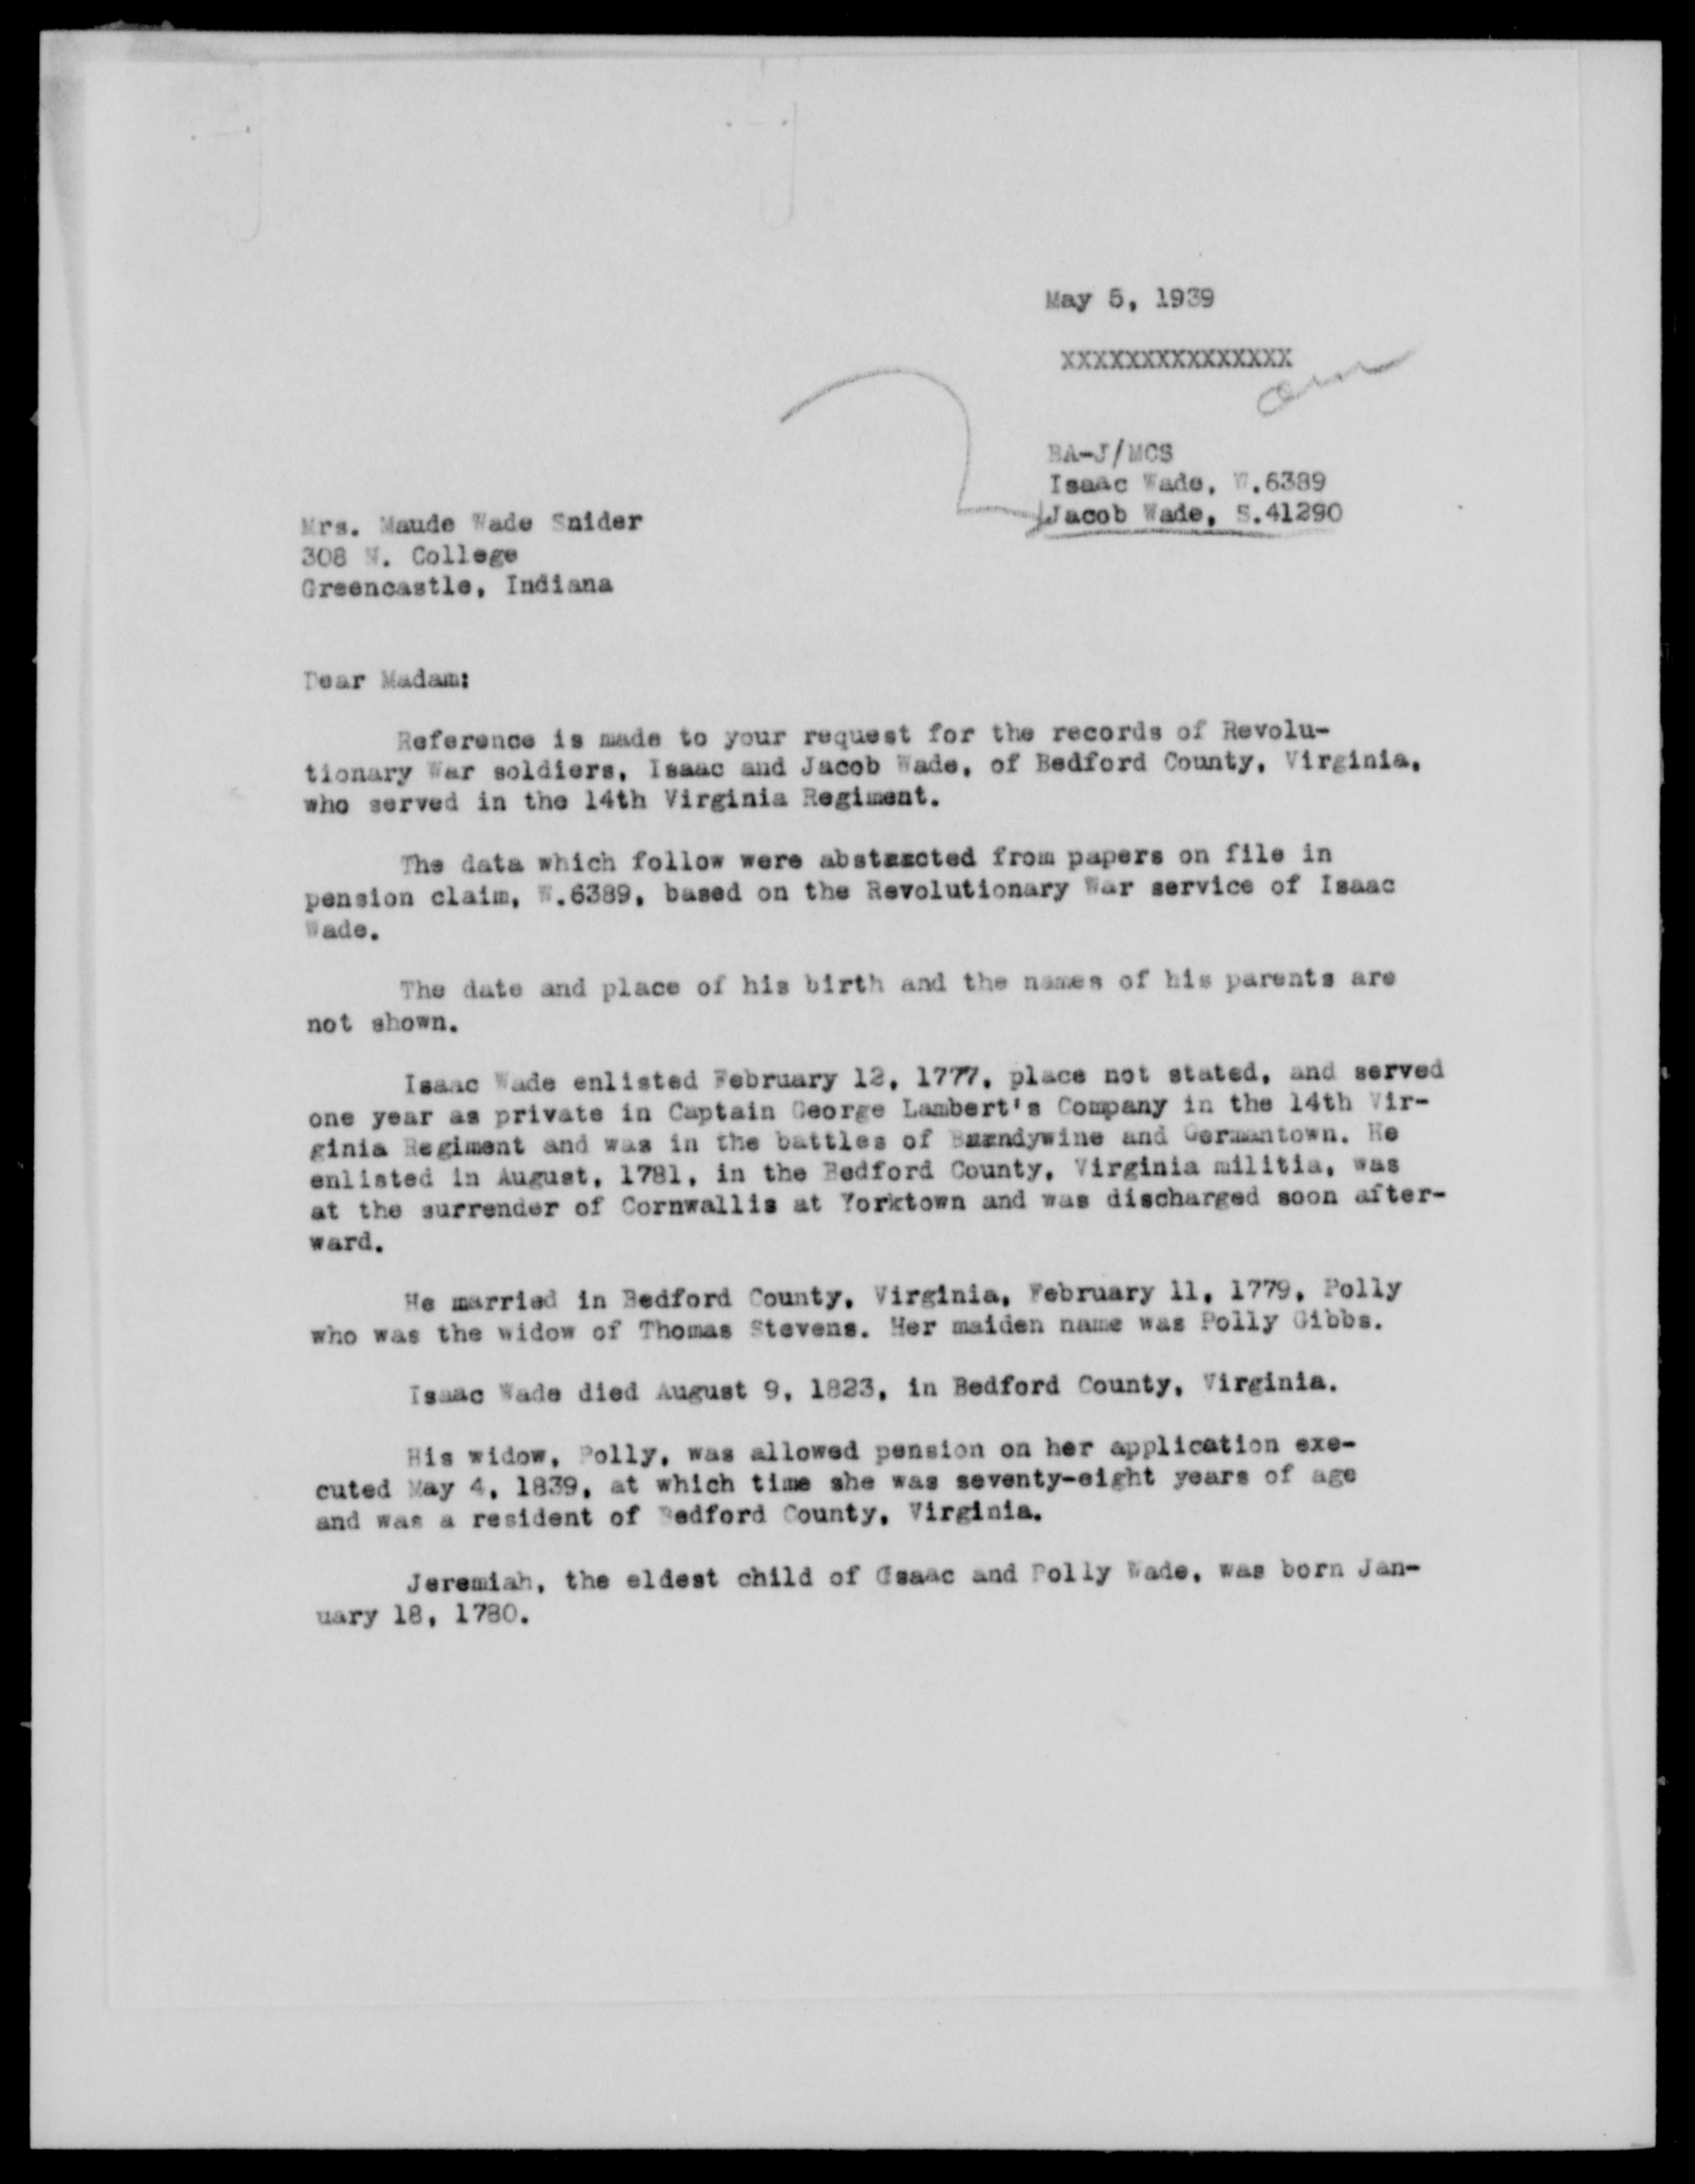May 5, 1929

xxxxxxxxxxxxxxxxxxx

BA-J/MCS
Isaac Wade, W.6389
Jacob Wade, S.41290


Mrs. Maude Wade Saider
308 N. College
Greencastle, Indiana

Dear Madam:

Reference is made to your request for the records of Revolutionary War soldiers, Isaac and Jacob Wade, of Bedford County, Virginia, who served in the 14th Virginia Regiment.

The data which follow were abstracted from papers on file in pension claim, W.6389, based on the Revolutionary War service of Isaac Wade.

The date and place of his birth and the names of his parents are not shown.

Isaac Wade enlisted February 12, 1777, place not stated, and served one year as private in Captain George Lambert's Company in the 14th Virginia Regiment and was in the battles of Brandywine and Germantown.  He enlisted in August, 1781, in the Bedford County, Virginia militia, was at the surrender of Cornwallis at Yorktown and was discharged soon afterword.

He married in Bedford County, Virginia, February 11, 1779, Polly who was the widow of Thomas Stevens.  Her maiden name was Polly GIbbs.

Isaac Wade died August 9, 1823, in Bedford County, Virginia.

His widow, Polly, was allowed pension on her application executed May 4, 1839, at which time she was seventy-eight years of age and was a resident of Bedford County, VIrginia.

Jeremiah, the eldest child of Isaac and Polly Wade, was born January 18, 1780.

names: Isaac Wade, Jacob Wade, Isaac Wade, Isaac Wade, Isaac Wade, Jacob Wade, Maude Wade Snider, Isaac Wade, Polly Gibbs, Cornwallis, Polly, Thomas Stevens, Jeremiah, Polly Wade, Isaac Wade, Polly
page: 6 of 10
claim: survivor's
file: S. 41290, Jacob Wade, Va.